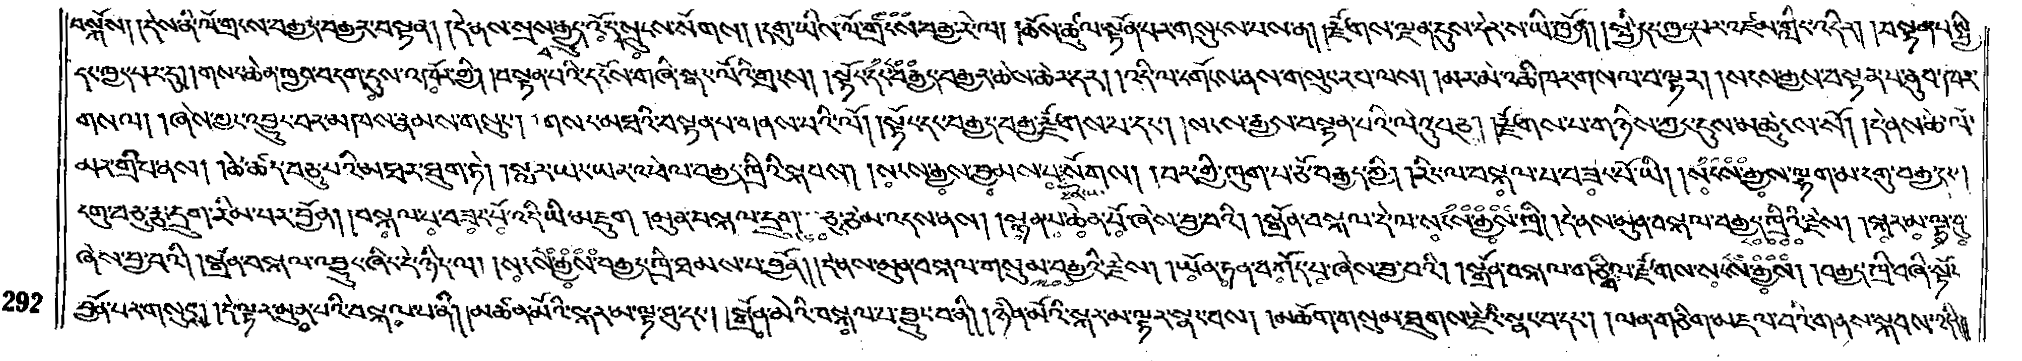བསྐོས། །དེས་ནི་ལོ་གྲངས་བརྒྱད་བརྒྱར་བསྟན། །དེ་ནས་སྲས་རྒྱུད་འོད་སྲུངས་སོགས། །དགུ་ཡིས་ལོ་གྲངས་བརྒྱ་རེ་ལ། །ཆོས་ཚུལ་སྟོན་པར་གསུངས་པས་ན། །རྫོགས་ལྡན་དུས་དེར་ས་ཡི་ཁྱོན། །སྤྱི་དང་ཁྱད་པར་འཛམ་གླིང་འདིར། །བསྟན་པ་སྤྱི་
དང་ཁྱད་པར་དུ། །གསང་ཆེན་ཁྱབ་བདག་དུས་འཁོར་གྱི། །བསྟན་པའི་དངོས་གཞི་སྒང་ལོའི་གྲངས། །སྟོང་དང་བརྒྱད་བརྒྱར་ཆེས་ཆེར་དར། །འདི་ལ་དགོངས་ནས་གསུང་རབ་ལས། །མར་མེ་འཆི་ཁར་གསལ་བ་ལྟར། །སངས་རྒྱས་བསྟན་པ་ནུབ་ཁར་
གསལ། །ཞེས་ཀྱང་འབྱུང་བར་མཁས་རྣམས་གསུང་། །གསང་མཐའི་བསྟན་པ་གནས་པའི་ལོ། །སྟོང་དང་བརྒྱད་བརྒྱ་རྫོགས་པ་དང་། །སངས་རྒྱས་བསྟན་པའི་ལེའུ་བཅུ། །རྫོགས་པ་གཉིས་ཀྱང་དུས་མཚུངས་སོ། །དེ་ནས་ཆེ་ལོ་
མར་གྲི་བ་ནས། །ཚེ་ཚད་བཅུ་པའི་མཐར་ཐུག་ཏེ། །སླར་ཡང་ཡར་འཕེལ་བརྒྱད་ཁྲིའི་སྐབས། །སངས་རྒྱས་བྱམས་པ་བྱོན་པ་སོགས། །བར་གྱི་ཁུག་པ་ཅོ་བརྒྱད་ཀྱི། །རིང་ལ་བསྐལ་པ་བཟང་པོ་ཡི། །སངས་རྒྱ་ལྷག་མ་དགུ་བརྒྱ་དང་།
དགུ་བཅུ་རྩ་དྲུག་རིམ་པར་བྱོན། །བསྐལ་བ་བཟང་བོ་འདི་ཡི་མཇུ་།མུན་བསྐལ་དྲུག་ཅུ་ཙམ་འདས་ནས། །སྙན་པ་ཆེན་པོ་ཞེས་བྱ་བའི། །སྒྲོན་བསྐལ་དེ་ལ་སངས་རྒྱས་ཁྲི། །དེ་ནས་མུན་བསྐལ་བརྒྱད་ཁྲིའི་རྗེས། །སྐར་མ་ལྟ་བུ་
ཞེས་བྱ་བའི། །སྒྲོན་བསྐལ་འབྱུང་ཞིང་དེ་ཉིད་ལ། །སངས་རྒྱས་བརྒྱད་ཁྲི་ཐམས་པ་བྱོན། །དེ་ནས་མུན་བསྐལ་གསུམ་བརྒྱའི་རྗེས། །ཡོན་ཏན་བཀོད་པ་ཞེས་བྱ་བའི། །སྒྲོན་བསྐལ་གཅིག་ལ་རྫོགས་སངས་རྒྱས། །བརྒྱད་ཁྲི་བཞི་སྟོང་
བྱོན་པར་གསུངས། །དེ་ལྟར་མུན་པའི་བསྐལ་བ་ནི། །མཚན་མོའི་སྐར་མ་ལྟ་ཤུ་དང་། །སྒྲོན་མེའི་བསྐལ་པ་བྱུང་བ་ནི། །ཉིན་མོའི་སྐར་མ་ལྟར་སྣང་བས། །མཆོག་གསུམ་ཐུགས་རྗེའི་སྣང་བ་དང་། །ལན་གཅིག་མཇལ་བའི་གནས་སྐབས་འདིར།།